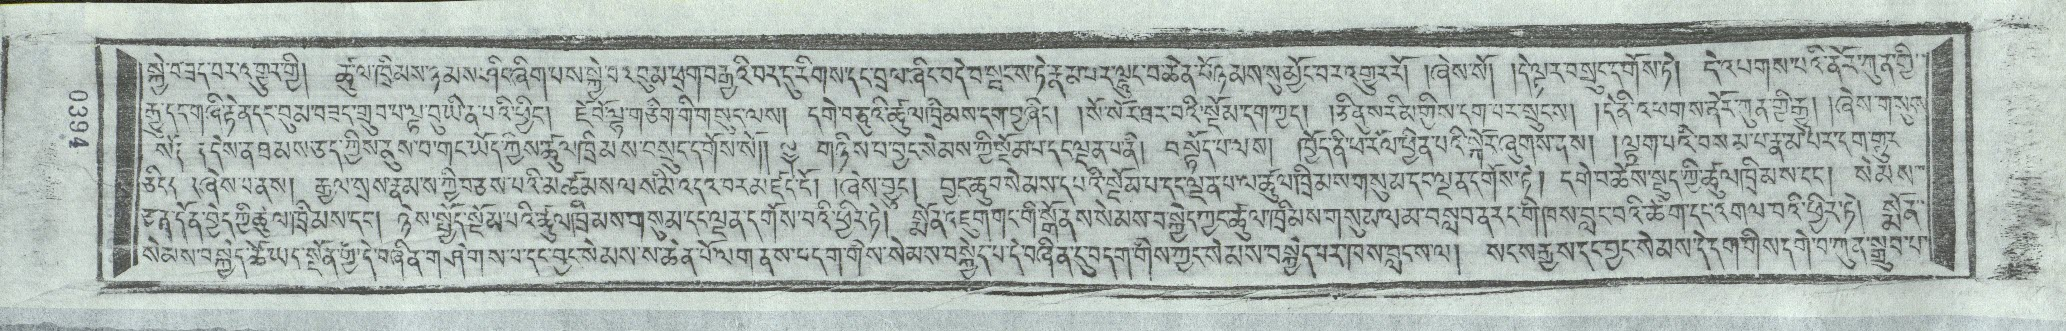སྐྱེ་བཟད་པར་འགྱུར་གྱི། ཚུལ་ཁྲིམས་ཉམས་ཤིང་ཞིག་པས་སྐྱེ་བ་འབུམ་ཕྲག་བརྒྱའི་བར་དུ་རིགས་དང་བྲལ་ཞིང་བདེ་བ་སྤངས་ཏེ་རྣམ་པར་ལྟུང་བ་ཆེན་པོ་ཉམས་སུ་མྱོང་བར་འགྱུར་རོ། །ཞེས་སོ། །དེ་ལྟར་བསྲུང་དགོས་ཏེ། དེ་འཕགས་པའི་ནོར་ཀུན་གྱི་
རྒྱུ་དང་གཞི་རྟེན་དང་བུམ་བཟད་གྲུབ་པ་ལྟ་བུ་ཡིན་པའི་ཕྱིར། ཇོ་བོ་ལྷ་གཅིག་གི་གསུང་ལས། དགེ་བཅུའི་ཚུལ་ཁྲིམས་དག་བྱ་ཞིང་། །སོ་སོར་ཐར་པའི་སྡོམ་དག་ཀྱང་། །ཅི་ནུས་རིམ་གྱིས་དག་པར་སྲུངས། །དེ་ནི་འཕགས་ནོར་ཀུན་གྱི་རྒྱུ། །ཞེས་གསུངས་
སོ༑ ༑དེས་ན་ཐམས་ཅད་ཀྱིས་ནུས་པ་གང་ཡོད་ཀྱིས་ཚུལ་ཁྲིམས་བསྲུང་དགོས་སོ།། ༈ གཉིས་པ་བྱང་སེམས་ཀྱི་སྡོམ་པ་དང་ལྡན་པ་ནི། བསྟོད་པ་ལས། ཁྱོད་ནི་ཕ་རོལ་ཕྱིན་པའི་སྐོར་ཞུགས་ནས། །ལྷག་པའི་བསམ་པ་རྣམ་པར་དག་གྱུར་
ཅིང༑ ༑ཞེས་པ་ནས། རྒྱལ་སྲས་རྣམས་ཀྱི་བཅས་པའི་མཚམས་ལས་མི་འདའ་བར་མཛད་དོ། །ཞེས་བྱུང་། བྱང་ཆུབ་སེམས་དཔའི་སྡོམ་པ་དང་ལྡན་པ་ལ་ཚུལ་ཁྲིམས་གསུམ་དང་ལྡན་དགོས་ཏེ། དགེ་བ་ཆོས་སྡུད་ཀྱི་ཚུལ་ཁྲིམས་དང་། སེམས་
ཅན་དོན་བྱེད་ཀྱི་ཚུལ་ཁྲིམས་དང་། ཉེས་སྤྱོད་སྡོམ་པའི་ཚུལ་ཁྲིམས་གསུམ་དང་ལྡན་དགོས་པའི་ཕྱིར་ཏེ། སྨོན་འཇུག་གང་གི་སྒོ་ནས་སེམས་བསྐྱེད་ཀྱང་ཚུལ་ཁྲིམས་གསུམ་ལམ་བསླབ་ན་རང་གི་ཁས་བླང་བའི་ཚེག་དང་འགལ་བའི་ཕྱིར་ཏེ། སྨོན་
སེམས་བསྐྱེད་ཚེ་ཡང་སྔོན་གྱི་དེ་བཞིན་གཤེགས་པ་དང་བྱང་སེམས་ས་ཆེན་པོ་ལ་གནས་པ་དག་གིས་སེམས་བསྐྱེད་པ་དེ་བཞིན་དུ་བདག་གིས་ཀྱང་སེམས་བསྐྱེད་པར་ཁས་བླངས་ལ། སངས་རྒྱས་བྱང་སེམས་དེ་དག་གིས་དགེ་བ་ཀུན་སྒྲུབ་པ་